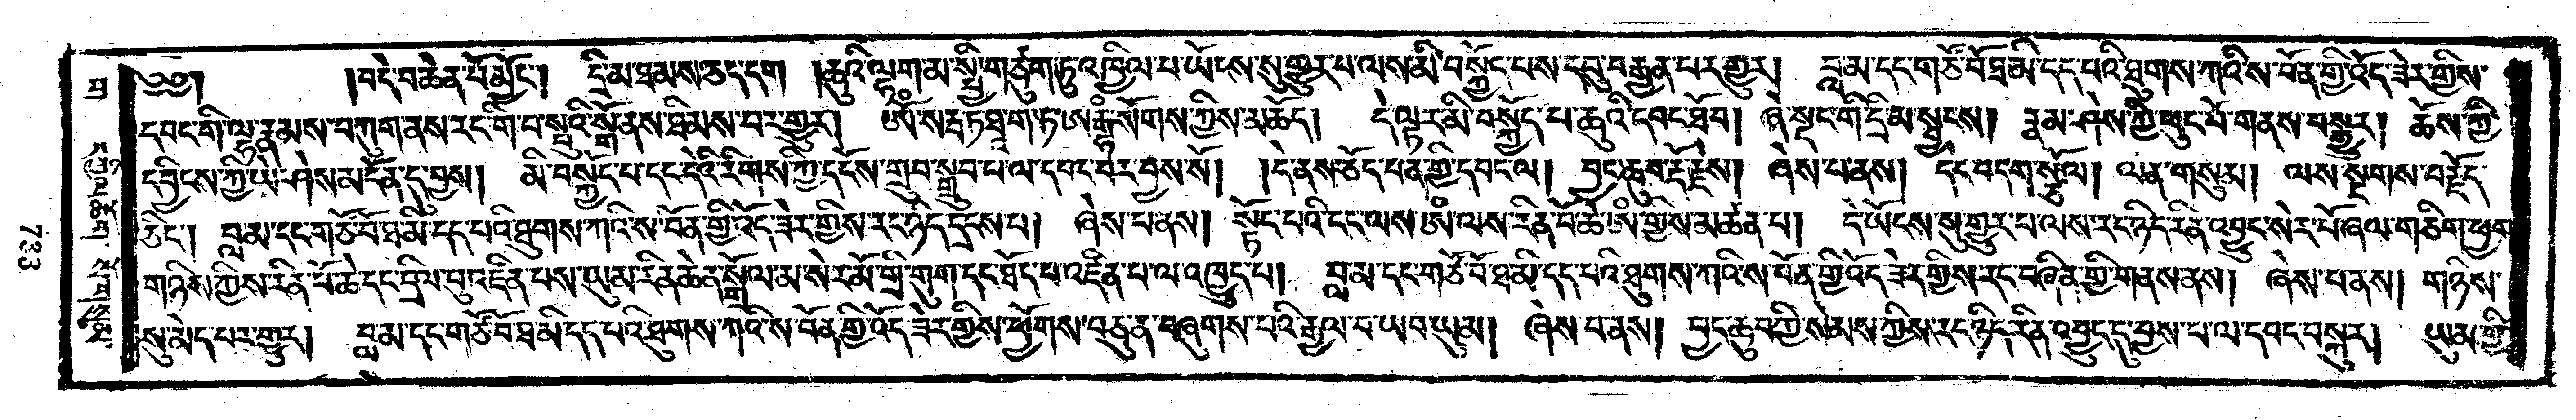༄༅། །བདེ་བ་ཆེན་པོ་མྱོང་། དྲི་མ་ཐམས་ཅད་དག །ཆུའི་ལྷག་མ་སྤྱི་གཙུག་ཏུ་འཁྱིལ་པ་ཡོངས་སུ་གྱུར་པ་ལས་མི་བསྐྱོད་པས་དབུ་བརྒྱན་པར་གྱུར། བླ་མ་དང་གཙོ་བོ་ཐ་མི་དད་པའི་ཐུགས་ཀའི་ས་བོན་གྱི་འོད་ཟེར་གྱིས་
དབང་གི་ལྷ་རྣམས་བཀུག་ནས་རང་གི་བ་སྦུའི་སྒོ་ནས་ཐིམས་བར་གྱུར། ཨོཾ་སརྦ་ཏ་ཐཱ་ག་ཏ་ཨརྒྷཾ་སོགས་ཀྱིས་མཆོད། དེ་ལྟར་མི་བསྐྱོད་པ་ཆུའི་དབང་ཐོབ། ཞེ་སྡང་གི་དྲི་མ་སྦྱངས། རྣམ་ཤེས་ཀྱི་ཕུང་པོ་གནས་བསྒྱུར། ཆོས་ཀྱི་
དབྱིངས་ཀྱི་ཡེ་ཤེས་མངོན་དུ་བྱས། མི་བསྐྱོང་བ་དང་དེའི་རིགས་ཀྱི་དངོས་གྲུབ་སྒྲུབ་པ་ལ་དབང་བར་བྱས་སོ། །དེ་ནས་ཅོད་པན་གྱི་དབང་ལ། བྱང་ཆུབ་རྡོ་རྗེས། ཞེས་པ་ནས། དེང་བདག་སྩོལ། ལན་གསུམ། ལས་སྔགས་བརྗོད་
ཅིང་། བླ་མ་དང་གཙོ་བོ་ཐ་མི་དད་པའི་ཐུགས་ཀའི་ས་བོན་གྱི་འོད་ཟེར་གྱིས་རང་ཉིད་དྲངས་པ། ཞེས་པ་ནས། སྟོང་པའི་ངང་ལས་ཨཾ་ལས་རིན་པོ་ཆེ་ཨཾ་གྱིས་མཚན་པ། དེ་ཡོངས་སུ་གྱུར་པ་ལས་རང་ཉིད་རིན་འབྱུང་སེར་པོ་ཞལ་གཅིག་ཕྱག་
གཉིས་ཀྱིས་རིན་པོ་ཆེ་དང་དྲིལ་བུ་འཛིན་པས་ཡུམ་རིན་ཆེན་སྒྲོལ་མ་སེར་མོ་གྲི་གུག་དང་ཐོད་པ་འཛིན་པ་ལ་འཁྱུད་པ། བླ་མ་དང་གཙོ་བོ་ཐ་མི་དད་པའི་ཐུགས་ཀའི་ས་བོན་གྱི་འོད་ཟེར་གྱིས་རང་བཞིན་གྱི་གནས་ནས། ཞེས་པ་ནས། གཉིས་
སུ་མེད་པར་གྱུར། བླ་མ་དང་གཙོ་བོ་ཐ་མི་དད་པའི་ཐུགས་ཀའི་ས་བོན་གྱི་འོད་ཟེར་གྱིས་ཕྱོགས་བཅུ་ན་བཞུགས་པའི་རྒྱལ་བ་ཡབ་ཡུམ། ཞེས་པ་ནས། བྱང་ཆུབ་ཀྱི་སེམས་ཀྱིས་རང་ཉིད་རིན་འབྱུང་དུ་བྱས་པ་ལ་དབང་བསྐུར། ཡུམ་གྱི་